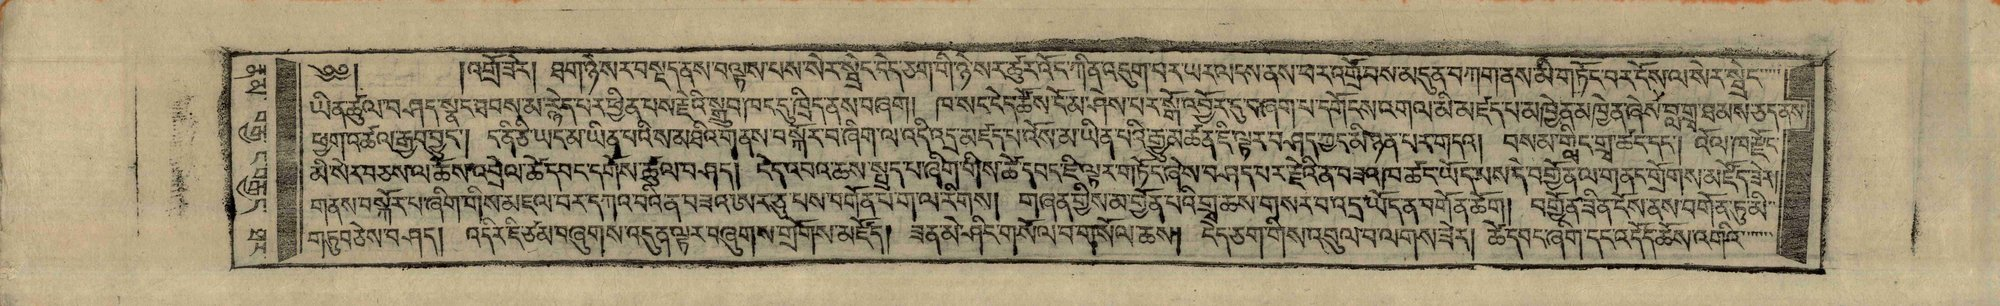༄༅། །འགྲོ་ཟེར། ཐག་ཉེ་སར་བསྡད་ནས་བལྟས་པས་སེར་སྦྲེང་ངེད་ཅག་གི་ཉེ་སར་ཚུར་འོང་ཀིན་འདུག་པར་ཡར་ལངས་ནས་ཕར་འགྲོ་བས་མདུན་བཀག་ནས་མི་གཏོང་བར་ངོས་ལ་སེར་སྦྲེང་
ཡིན་ཚུལ་བཤད་སྣང་ཐབས་མ་རྙེད་པར་ཕྱིན་པས་རྗེའི་སྒྲུབ་ཁང་དུ་ཁྲིད་ནས་བཞག །ཁ་སང་ངེད་ཚོས་ངོ་མ་ཤེས་པར་སྒོ་འབྱོར་དུ་བཞག་པ་དགོངས་འགལ་མི་མཛད་པ་མཁྱེན་མཁྱེན་ཞེས་བླ་གྲྭ་ཐམས་ཅད་ནས་
ཕྱག་འཚལ་རྒྱབ་བྱུང་། ང་ནི་ཅི་ཡང་མ་ཡིན་པའི་ས་མཐའི་གནས་བསྐོར་བ་ཞིག་ལ་འདི་འདྲ་མཛད་པ་འོས་མ་ཡིན་པའི་རྒྱུ་མཚན་ཇི་ལྟར་བཤད་ཀྱང་མི་ཉན་པར་གདའ། བསམ་གླིང་གྲྭ་ཚང་དང་། འོལ་ཁ་རྫིང་
མི་སེར་བཅས་ལ་ཆོས་འབྲེལ་ཚེ་དབང་དགོས་ཚུལ་བཤད། ངེད་འབའ་ཆས་སྤྲད་པ་ཞིག་གིས་ཚེ་དབང་ཇི་ལྟར་གཏོང་ཞེས་བཤད་པར་རྗེའི་ན་བཟའ་ཁ་ཚང་ཡོད་པས་དེ་བགྱོན་ལ་གནང་གྲོགས་མཛོད་ཟེར།
གནས་བསྐོར་པ་ཞིག་གིས་མཇལ་བར་དཀའ་བའི་ན་བཟའ་ཨར་ཅུ་པས་བགོན་པ་ག་ལ་རིགས། གཞན་གྱིས་མ་གྱོན་པའི་གྲྭ་ཆས་གསར་བ་འདྲ་ཡོད་ན་བགོན་ཆོག །བགྱོན་ཟིན་ངོས་ནས་བགོན་ཏུ་མི་
གཏུབ་ཅེས་བཤད། འདིར་ཇི་ཙམ་བཞུགས་འདུན་ལྟར་བཞུགས་གྲོགས་མཛོད། ཟན་མེ་ཤིང་གསོལ་བ་གསོལ་ཆས། ངེད་ཅག་གིས་འབུལ་བ་ལགས་ཟེར། ཚེ་དབང་ཞིག་དང་འདོད་ཆོས་འགའི་